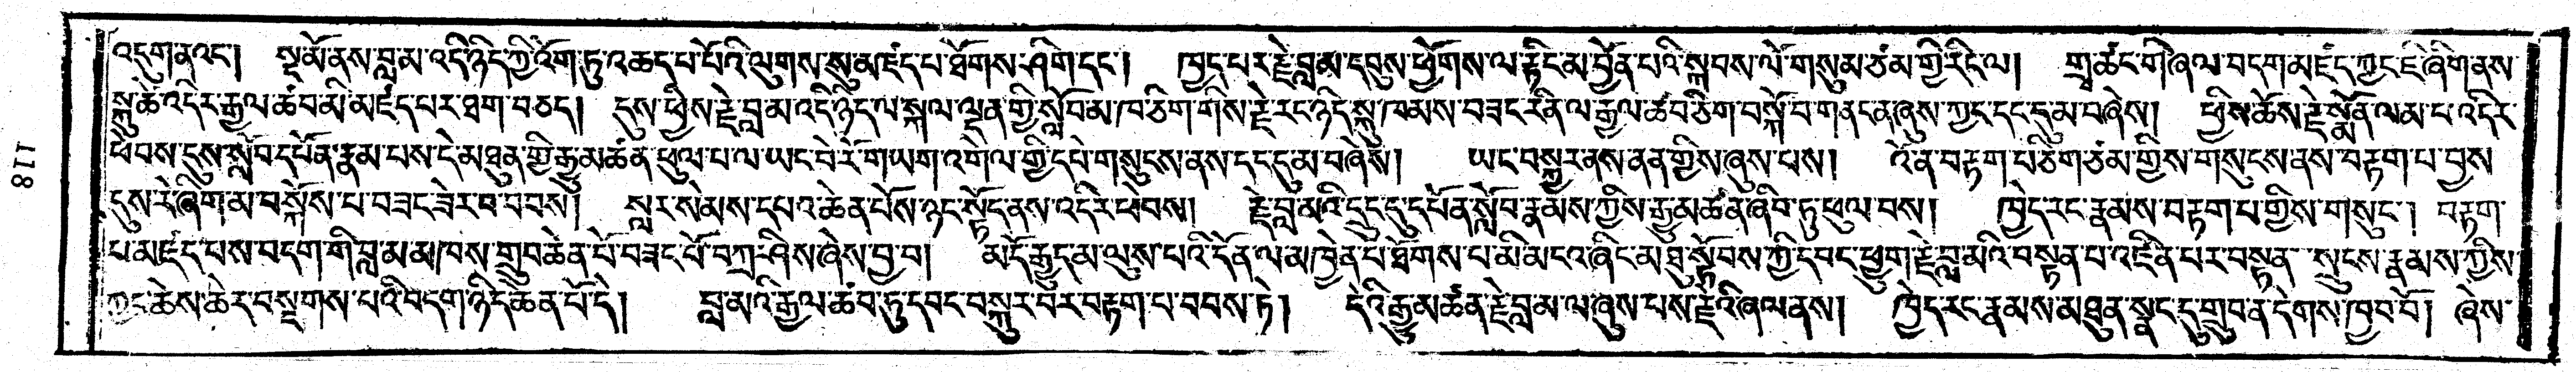འདུག་ནའང་། སྔ་མོ་ནས་བླ་མ་འདི་ཉིད་ཀྱི་འོག་ཏུ་འཆད་པ་པོའི་ལུགས་སུ་མཛད་པ་ཐོགས་ཤིག་དང་། ཁྱད་པར་རྗེ་བླ་མ་དབུས་ཕྱོགས་ལ་རྟིང་མ་བྱོན་པའི་སྐབས་ལོ་གསུམ་ཙམ་གྱི་རིང་ལ། གྲྭ་ཚང་གི་ཞལ་བདག་མཛད་ཀྱང་ཇི་ཞིག་ནས་
སྐུ་ཚེ་འདིར་རྒྱལ་ཚབ་མི་མཛད་པར་ཐག་བཅད། དུས་ཕྱིས་རྗེ་བླ་མ་འདི་ཉིད་ལ་སྐལ་ལྡན་གྱི་སློབ་མ་ཁ་ཅིག་གིས་རྗེ་རང་ཉིད་སྐུ་ཁམས་བཟང་རིན་ལ་རྒྱལ་ཚབ་ཅིག་བསྐོ་བ་གནང་ན་ཞུས་ཀྱང་དང་དུ་མ་བཞེས། ཕྱིས་ཆོས་རྗེ་སྨོན་ལམ་པ་འདིར་
ཕེབས་དུས་སློབ་དཔོན་རྣམ་པས་དེ་མཐུན་གྱི་རྒྱུ་མཚན་ཕུལ་པ་ལ་ཡང་བེ་རོ་གཡག་འགེལ་གྱི་དཔེ་གསུངས་ནས་དང་དུ་མ་བཞེས། ཡང་བསྐྱར་ནས་ནན་གྱིས་ཞུས་པས། འོ་ན་བརྟག་པ་ཅིག་ཙམ་གྱིས་གསུངས་ནས་བརྟག་པ་བྱས་
དུས་རེ་ཞིག་མ་བསྐོས་པ་བཟང་ཟེར་བ་བབས། སླར་སེམས་དཔའ་ཆེན་པོས་ཉང་སྟོད་ནས་འདིར་ཕེབས། རྗེ་བླ་མའི་དྲུང་དུ་དཔོན་སློབ་རྣམས་ཀྱིས་རྒྱུ་མཚན་ཞིབ་ཏུ་ཕུལ་བས། ཁྱེད་རང་རྣམས་བརྟག་པ་གྱིས་གསུང་། བརྟག་
པ་མཛད་པས་བདག་གི་བླ་མ་མཁས་གྲུབ་ཆེན་པོ་བཟང་པོ་བཀྲ་ཤིས་ཞེས་བྱ་བ། མདོ་རྒྱུད་མ་ལུས་པའི་དོན་ལ་མཁྱེན་པ་ཐོགས་པ་མི་མངའ་ཞིང་མཐུ་སྟོབས་ཀྱི་དབང་ཕྱུག་རྗེ་བླ་མའི་བསྟན་པ་འཛིན་པར་བསྟན་སྲུངས་རྣམས་ཀྱིས་
ཀྱང་ཆེས་ཆེར་བསྔགས་པའི་བདག་ཉིད་ཆེན་པོ་དེ། བླ་མའི་རྒྱལ་ཚབ་ཏུ་དབང་བསྐུར་བར་བརྟག་པ་བབས་ཏེ། དེའི་རྒྱུ་མཚན་རྗེ་བླ་མ་ལ་ཞུས་པས་རྗེའི་ཞལ་ནས། ཁྱེད་རང་རྣམས་མཐུན་སྣང་དུ་གྲུབ་ན་དེགས་ཁྱབ་བོ། ཞེས་